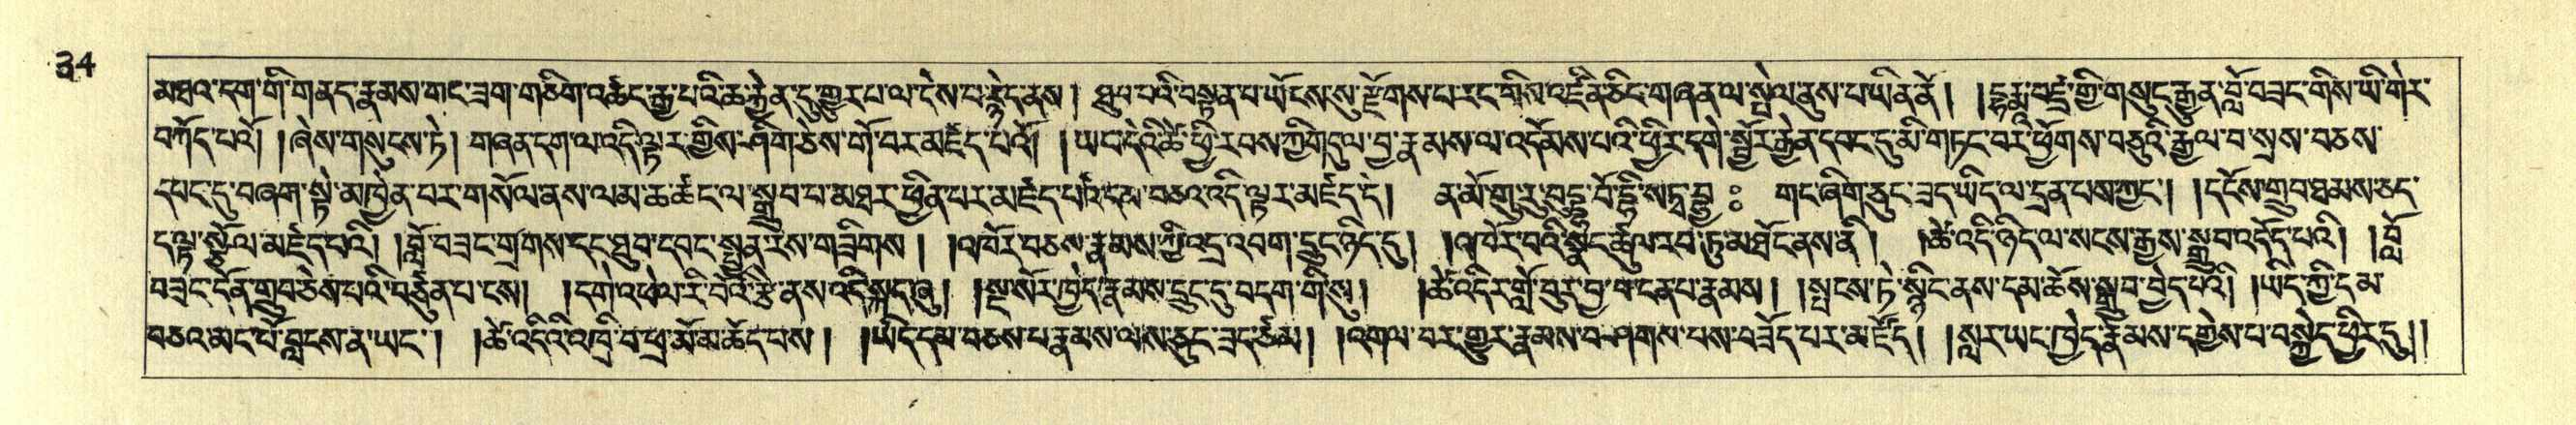མཐའ་དག་གི་གནད་རྣམས་གང་ཟག་གཅིག་འཚང་རྒྱ་པའི་ཆ་རྐྱེན་དུ་གྱུར་པ་ལ་ངེས་པ་རྙེད་ནས། ཐུབ་པའི་བསྟན་པ་ཡོངས་སུ་རྫོགས་པ་རང་གིས་འཛིན་ཅིང་གཞན་ལ་སྤེལ་ནུས་པ་ཡིན་ནོ། །དྷརྨཱ་བཛྲ་གྱི་གསུང་རྒྱུན་བློ་བཟང་གིས་ཡི་གེར་
བཀོད་པའོ། །ཞེས་གསུངས་ཏེ། གཞན་དག་ལ་འདི་ལྟར་གྱིས་ཤིག་ཅེས་གོ་བར་མཛད་པའོ། །ཡང་དེའི་ཚེ་ཕྱི་རབས་ཀྱི་གདུལ་བྱ་རྣམས་ལ་འདོམས་པའི་ཕྱིར་དགེ་སྦྱོར་རྒྱེན་དབང་དུ་མི་གཏང་བར་ཕྱོགས་བཅུའི་རྒྱལ་བ་སྲས་བཅས་
དཔང་དུ་བཞག་སྟེ་མཁྱེན་པར་གསོལ་ནས་ལམ་ཆ་ཚང་ལ་སྒྲུབ་པ་མཐར་ཕྱིན་པར་མཛད་པའི་དམ་བཅའ་འདི་ལྟར་མཛད་དེ། ན་མོ་གུ་རུ་བུདྡྷ་བོ་དྷི་སཏྭ་བྷྱཿ གང་ཞིག་ཅུང་ཟད་ཡིད་ལ་དྲན་པས་ཀྱང་། །དངོས་གྲུབ་ཐམས་ཅད་
ད་ལྟ་སྩོལ་མཛད་པའི། །བློ་བཟང་གྲགས་དང་ཐུབ་དབང་སྤྱན་རས་གཟིགས། །འཁོར་བཅས་རྣམས་ཀྱི་འདྲ་འབག་དྲུང་ཉིད་དུ། །འཁོར་བའི་སྣང་ཚུལ་རབ་ཏུ་མཐོང་ནས་ནི། །ཚེ་འདི་ཉིད་ལ་སངས་རྒྱས་སྒྲུབ་འདོད་པའི། །བློ་
བཟང་དོན་གྲུབ་ཅེས་པའི་བཙུན་པ་ངས། །དགེ་འཕེལ་རི་བོའི་རྩེ་ནས་འདི་སྐད་ཞུ། །སྔ་སོར་ཁྱེད་རྣམས་དྲུང་དུ་བདག་གི་སུ། །ཚེ་འདིར་གློ་བུར་བྱ་བ་ངན་པ་རྣམས། །སྤངས་ཏེ་སྙིང་ནས་དམ་ཆོས་སྒྲུབ་བྱེད་པའི། །ཡིད་ཀྱི་དམ་
བཅའ་མང་པོ་བླངས་ན་ཡང་། །ཚེ་འདིའི་འཁྲི་བ་ཕྲ་མོ་མ་ཆོད་པས། །ཡིད་དམ་བཅས་པ་རྣམས་ལས་ཅུང་ཟད་ཙམ། །འགལ་བར་གྱུར་རྣམས་བཤགས་པས་བཟོད་པར་མཛོད། །སླར་ཡང་ཁྱེད་རྣམས་དགྱེས་པ་བསྐྱེད་ཕྱིར་དུ།།